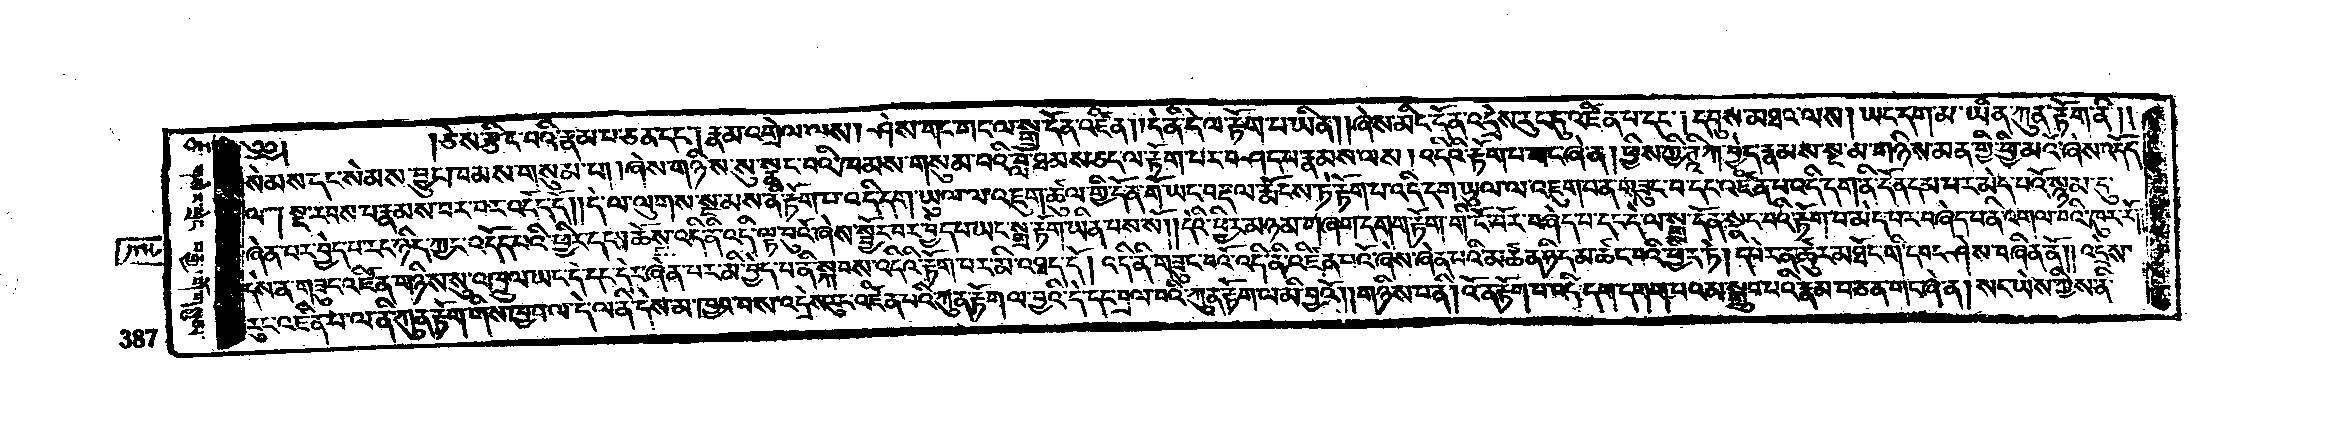༄༅། །ཅེས་རྩིད་བའི་རྣམ་པ་ཅན་དང་། རྣམ་འགྲེལ་ལས། ཤེས་གང་གང་ལ་སྒྲ་དོན་འཛིན། །དེ་ནི་དེ་ལ་རྟོག་པ་ཡིན། །ཞེས་མིང་དོན་འདྲེས་རུང་དུ་འཛིན་པ་དང་། དབུས་མཐའ་ལས། ཡང་དག་མ་ཡིན་ཀུན་རྟོག་ནི།
སེམས་དང་སེམས་བྱུང་ཁམས་གསུམ་པ། །ཞེས་གཉིས་སུ་སྣང་བའི་ཁམས་གསུམ་པའི་བློ་ཐམས་ཅད་ལ་རྟོག་པར་བཤད་པ་རྣམས་ལས། འདིའི་རྟོག་པ་གང་ཞེ་ན། ཕྱིས་ཀྱི་ཊཱི་ཀ་བྱེད་རྣམས་སྔ་མ་གཉིས་མིན་གྱི་ཕྱི་མའོ་ཞེས་འདོད་
ལ། སྔ་རབས་པ་རྣམས་བར་པར་འདོད་དོ། །དེ་ལ་ལུགས་སྔ་མས་ནི་རྟོག་པ་འདི་དག་ཡུལ་ལ་འཇུག་ཚུལ་གྱི་དོན་གོ་ཡང་བརྡ་ལ་རྨོངས་ཏེ་རྟོག་པ་འདི་དག་ཡུལ་ལ་འཇུག་པ་ན་གཟུང་བ་དང་འཛིན་པ་འདི་དག་ནི་དོན་དམ་པར་མེད་པའོ་སྙམ་དུ་
ཞེན་པར་བྱེད་པ་རང་ཉིད་ཀྱང་འདོད་པའི་ཕྱིར་དང་། ཆོས་འདི་ནི་འདི་ལྟ་བུའོ་ཞེས་སྦྱོར་བར་བྱེད་པ་ཡང་སྒྲ་རྟོག་ཡིན་པས་སོ། །དེའི་ཕྱིར་མཉམ་གཞག་དགག་རྟོག་གི་ངོ་བོར་བཞེད་པ་དང་དེ་ལ་སྒྲ་དོན་སྣང་བའི་རྟོག་པ་མེད་པར་བཞེད་པ་ནི་འགལ་བའི་ཁུར་རོ། །
དེས་ན་གཟུང་འཛིན་གཉིས་སུ་འཁྲུལ་ཡང་དེ་དང་དེར་ཞེན་པར་མི་བྱེད་པ་ནི་སྐབས་འདིའི་རྟོག་པར་མི་འཐད་དེ། འདི་ནི་གཟུང་བའོ་འདི་ནི་འཛིན་པའོ་ཞེས་ཞེན་པའི་མཚན་ཉིད་མ་ཚང་བའི་ཕྱིར་ཏེ། དཔེར་ན་ཚུར་མཐོང་གི་དབང་ཤེས་བཞིན་ནོ། །འདྲེས་
རུང་འཛིན་པ་ལ་ནི་ཀུན་རྟོག་གིས་ཁྱབ་ལ་དེ་ལ་ནི་དེས་མ་ཁྱབ་པས་འདྲེས་རུང་འཛིན་པའི་ཀུན་རྟོག་ལ་བྱའི་དེ་དང་བྲལ་བའི་ཀུན་རྟོག་ལ་མི་བྱའོ། །གཉིས་པ་ནི། འོ་ན་རྟོག་པ་འདི་དག་དགག་པའམ་སྒྲུབ་པའི་རྣམ་པ་ཅན་གང་ཞེ་ན། སང་ཡེས་ཀྱིས་ནི་